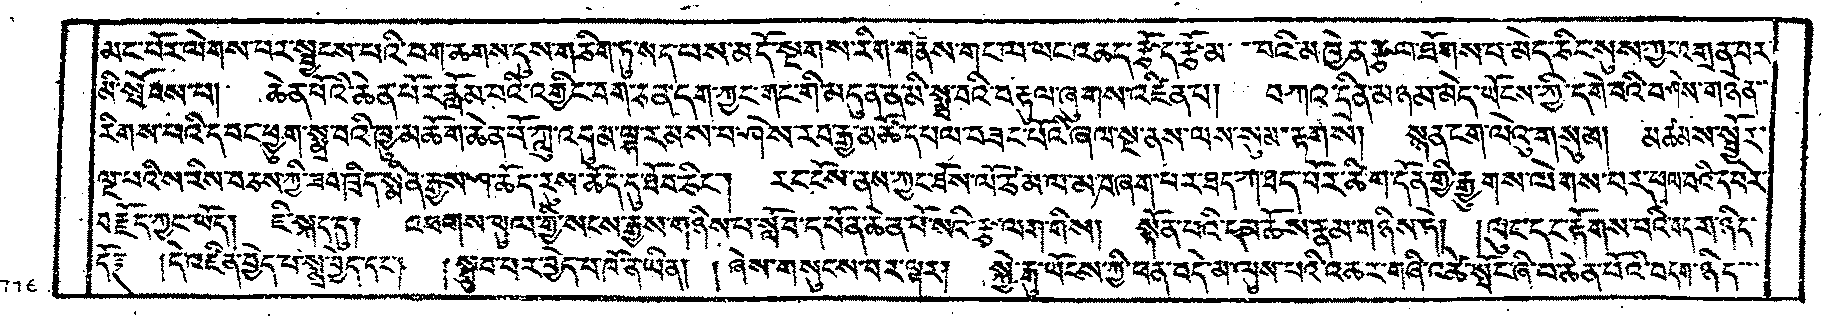མང་པོར་ལེགས་པར་སྦྱངས་པའི་བག་ཆགས་དུས་གཅིག་ཏུ་སད་པས་མདོ་སྔགས་རིག་གནས་གང་ལ་ཡང་འཆད་རྩོད་རྩོམ་པའི་མཁྱེན་རྩལ་ཐོགས་པ་མེད་ཅིང་སུས་ཀྱང་འགྲན་པར་
མི་སྤོབས་པ། ཆེན་པོའི་ཆེན་པོར་རློམ་པའི་འགྱིང་བག་ཅན་དག་ཀྱང་གང་གི་མདུན་ན་མི་སྨྲ་བའི་བརྟུལ་ཞུགས་འཛིན་པ། བཀའ་དྲིན་མཉམ་མེད་ཡོངས་ཀྱི་དགེ་བའི་བཤེས་གཉེན་
རིགས་པའི་དབང་ཕྱུག་སྨྲ་བའི་ཁྱུ་མཆོག་ཆེན་པོ་ཀླུ་འབུམ་ལྷ་རམས་པ་ཤེས་རབ་རྒྱ་མཚོ་དཔལ་བཟང་པོའི་ཞལ་སྔ་ནས་ལས་སུམ་རྟགས། སྙན་ངག་ལེའུ་གསུམ། མཚམས་སྦྱོར་
ལྔ་པའི་ས་རིས་བཅས་ཀྱི་ཟབ་ཁྲིད་སྨིན་རྒྱས་ཤ་ཆོད་རུས་ཆོད་དུ་ཐོབ་ཅིང་། རང་ངོས་ནས་ཀྱང་ཐོས་ལོ་ཙམ་ལ་མ་བཞག་པར་ཐད་ཀ་ཐད་པོར་ཚིག་དོན་གྱི་རྒྱུགས་ལེགས་པར་ཕུལ་བའི་དཔེར་
བརྗོད་ཀྱང་ཡོད། ཇི་སྐད་དུ། འཕགས་ཡུལ་གྱི་སངས་རྒྱས་གཉིས་པ་སློབ་དཔོན་ཆེན་པོ་སའི་རྩ་ལག་གིས། སྟོན་པའི་དམ་ཆོས་རྣམ་གཉིས་ཏེ། །ལུང་དང་རྟོགས་པའི་བདག་ཉིད་
དོ༑ །དེ་འཛིན་བྱེད་པ་སྨྲ་བྱེད་དང་། །སྒྲུབ་པར་བྱེད་པ་ཁོ་ན་ཡིན། །ཞེས་གསུངས་པར་ལྟར། སྐྱེ་རྒུ་ཡོངས་ཀྱི་ཕན་བདེ་མ་ལུས་པའི་འཆར་གཞི་འཚེ་སྤོང་ཞི་བ་ཆེན་པོའི་བདག་ཉིད་